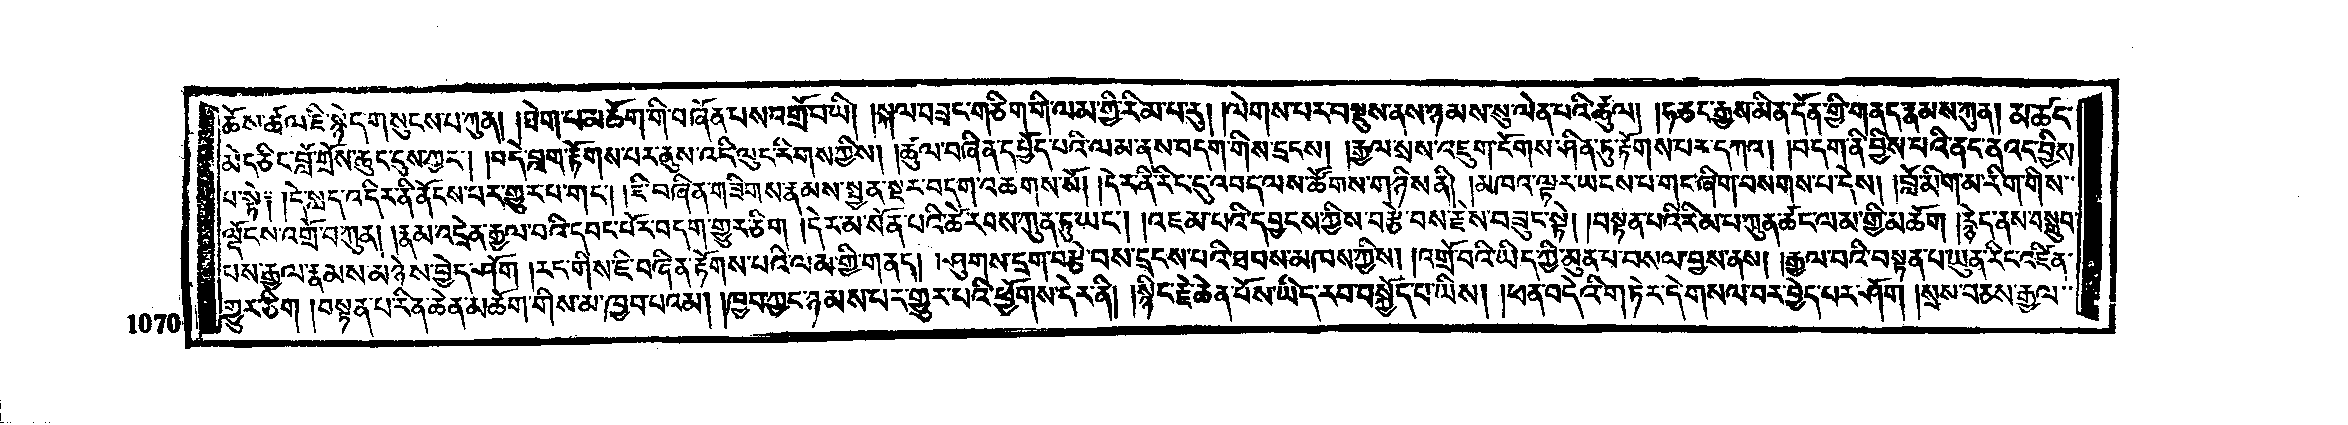ཆོས་ཚུལ་ཇི་སྙེད་གསུངས་པ་ཀུན། །ཐེག་པ་མཆོག་གི་བཞོན་པས་འགྲོ་བ་ཡི། །སྐལ་བཟང་གཅིག་གི་ལམ་གྱི་རིམ་པ་རུ། །ལེགས་པར་བསྡུས་ནས་ཉམས་སུ་ལེན་པའི་ཚུལ། །ཧ་ཅང་རྒྱས་མིན་དོན་གྱི་གནད་རྣམས་ཀུན། །མ་ཚང་
མེད་ཅིང་བློ་གྲོས་ཆུང་ངུས་ཀྱང་། །བདེ་བླག་རྟོགས་པར་ནུས་འདི་ལུང་རིགས་ཀྱིས། །ཚུལ་བཞིན་དཔྱོད་པའི་ལམ་ནས་བདག་གིས་དྲངས། །རྒྱལ་སྲས་འཇུག་ངོགས་ཤིན་ཏུ་རྟོགས་པར་དཀའ། །བདག་ནི་བྱིས་པའི་ནང་ནའང་བྱིས་
པ་སྟེ༑ ༑དེ་སླད་འདིར་ནི་ནོངས་པར་གྱུར་པ་གང་། །ཇི་བཞིན་གཟིགས་རྣམས་སྤྱན་སྔར་བདག་འཆགས་སོ། །དེར་ནི་རིང་དུ་འབད་ལས་ཚོགས་གཉིས་ནི། །མཁའ་ལྟར་ཡངས་པ་གང་ཞིག་བསགས་པ་དེས། །བློ་མིག་མ་རིག་གིས་
ལྡོངས་འགྲོ་བ་ཀུན། །རྣམ་འདྲེན་རྒྱལ་བའི་དབང་པོར་བདག་གྱུར་ཅིག །དེར་མ་སོན་པའི་ཚེ་རབས་ཀུན་ཏུ་ཡང་། །འཇམ་པའི་དབྱངས་ཀྱིས་བརྩེ་བས་རྗེས་བཟུང་སྟེ། །བསྟན་པའི་རིམ་པ་ཀུན་ཚང་ལམ་གྱི་མཆོག །རྙེད་ནས་བསྒྲུབ་
པས་རྒྱལ་རྣམས་གཉེས་བྱེད་ཤོག །རང་གི་ཇི་བཞིན་རྟོགས་པའི་ལམ་གྱི་གནད། །ཤུགས་དྲག་བརྩེ་བས་དྲངས་པའི་ཐབས་མཁས་ཀྱིས། །འགྲོ་བའི་ཡིད་ཀྱི་མུན་པ་བསལ་བྱས་ནས། །རྒྱལ་བའི་བསྟན་པ་ཡུན་རིང་འཛིན་
གྱུར་ཅིག །བསྟན་པ་རིན་ཆེན་མཆོག་གིས་མ་ཁྱབ་པའམ། །ཁྱབ་ཀྱང་ཉམས་པར་གྱུར་པའི་ཕྱོགས་དེར་ནི། །སྙིང་རྗེ་ཆེན་པོས་ཡིད་རབ་བསྐྱོད་པ་ཡིས། །ཕན་བདེའི་གཏེར་དེ་གསལ་བར་བྱེད་པར་ཤོག །སྲས་བཅས་རྒྱལ་